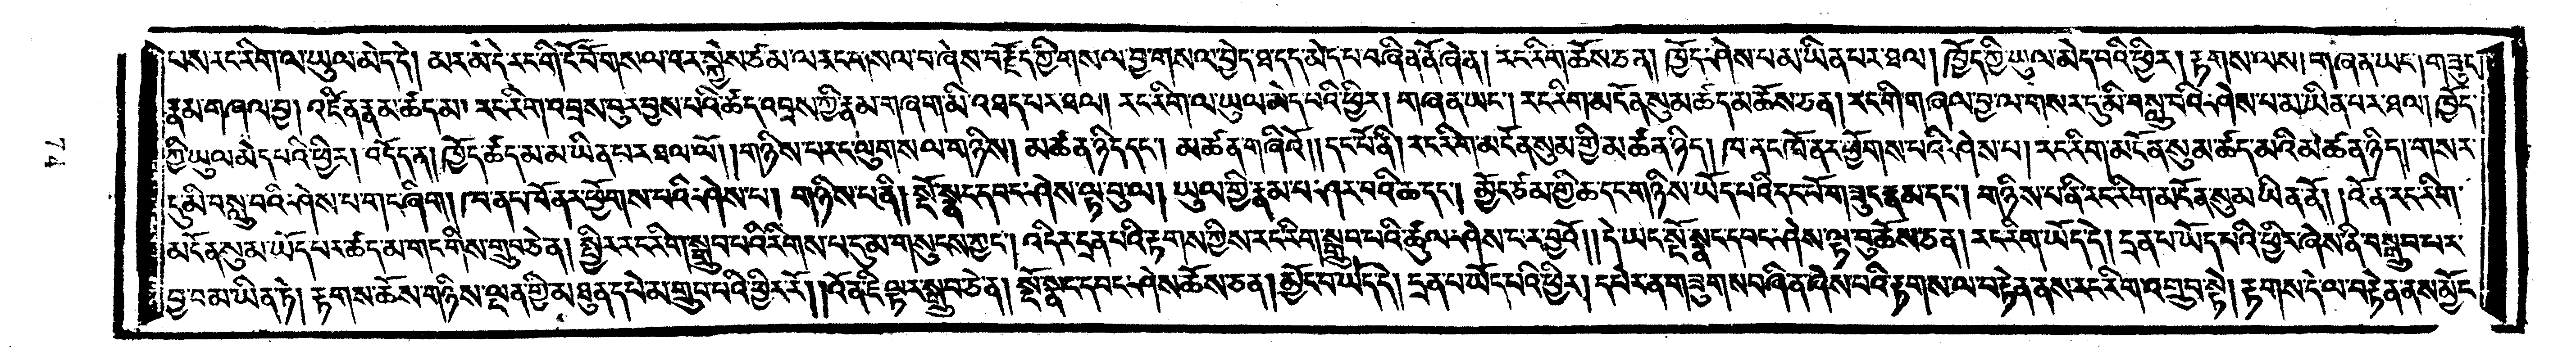པས་རང་རིག་ལ་ཡུལ་མེད་དེ། མར་མེ་དེ་རང་གི་ངོ་བོ་གསལ་བར་སྐྱེས་ཙམ་ལ་རང་གསལ་བ་ཞེས་བརྗོད་ཀྱི་གསལ་བྱ་གསལ་བྱེད་ཐ་དད་མེད་པ་བཞིན་ནོ་ཞེ་ན། རང་རིག་ཆོས་ཅན། ཁྱོད་ཤེས་པ་མ་ཡིན་པར་ཐལ། ཁྱོད་ཀྱི་ཡུལ་མེད་པའི་ཕྱིར། རྟགས་ཁས། གཞན་ཡང་། གཟུང་
རྣམ་གཞལ་བྱ། འཛིན་རྣམ་ཚད་མ། རང་རིག་འབྲས་བུར་བྱས་པའི་ཚད་འབྲས་ཀྱི་རྣམ་གཞག་མི་འཐད་པར་ཐལ། རང་རིག་ལ་ཡུལ་མེད་པའི་ཕྱིར། གཞན་ཡང་། རང་རིག་མངོན་སུམ་ཚད་མ་ཆོས་ཅན། རང་གི་གཞལ་བྱ་ལ་གསར་དུ་མི་བསླུ་བའི་ཤེས་པ་མ་ཡིན་པར་ཐལ། ཁྱོད་
ཀྱི་ཡུལ་མེད་པའི་ཕྱིར། འདོད་ན། ཁྱེད་ཚད་མ་མ་ཡིན་པར་ཐལ་ལོ། །གཉིས་པ་རང་ལུགས་ལ་གཉིས། མཚན་ཉིད་དང་། མཚན་གཞིའོ། །དང་པོ་ནི། རང་རིག་མངོན་སུམ་གྱི་མཚན་ཉིད། ཁ་ནང་ཁོ་ནར་ཕྱོགས་པའི་ཤེས་པ། རང་རིག་མངོན་སུམ་ཚད་མའི་མཚན་ཉིད། གསར་
དུ་མི་བསླུ་བའི་ཤེས་པ་གང་ཞིག །ཁ་ནང་ཁོ་ནར་ཕྱོགས་པའི་ཤེས་པ། གཉིས་པ་ནི། སྔོ་སྣང་དབང་ཤེས་ལྟ་བུ་ལ། ཡུལ་གྱི་རྣམ་པ་ཤར་བའི་ཆ་དང་། མྱོང་ཙམ་གྱི་བ་?་དང་གཉིས་ཡོད་པའི་དང་པོ་གཟུང་རྣམ་དང་། གཉིས་པ་ནི་རང་རིག་མངོན་སུམ་ཡིན་ནོ། །འོ་ན་རང་རིག་
མངོན་སུམ་ཡོད་པར་ཚད་མ་གང་གིས་གྲུབ་ཅེ་ན། སྤྱིར་རང་རིག་སྒྲུབ་པའི་རིགས་པ་དུ་མ་གསུངས་ཀྱང་། འདིར་དྲན་པའི་རྟགས་ཀྱིས་རང་རིག་སྒྲུབ་པའི་ཚུལ་ཤེས་པར་བྱའོ། །དེ་ཡང་སྔོ་སྣང་དབང་ཤེས་ལྟ་བུ་ཆོས་ཅན། རང་རིག་ཡོད་དེ། དྲན་པ་ཡོད་པའི་ཕྱིར་ཞེས་ནི་བསྒྲུབ་པར་
བྱ་བ་མ་ཡིན་ཏེ། རྟགས་ཆོས་གཉིས་ལྡན་གྱི་མཐུན་དཔེ་མ་?་གྲུབ་པའི་ཕྱིར་རོ། །འོ་ན་ཇི་ལྟར་སྒྲུབ་ཅེ་ན། སྔོ་སྣང་དབང་ཤེས་ཆོས་ཅན། མྱོང་བ་ཡོད་དེ། དྲན་པ་ཡོད་པའི་ཕྱིར། དཔེར་ན་གཟུགས་བཞིན་ཞེས་པའི་རྟགས་ལ་བརྟེན་ནས་རང་རིག་འགྲུབ་སྟེ། རྟགས་དེ་ལ་བརྟེན་ནས་མྱོང་